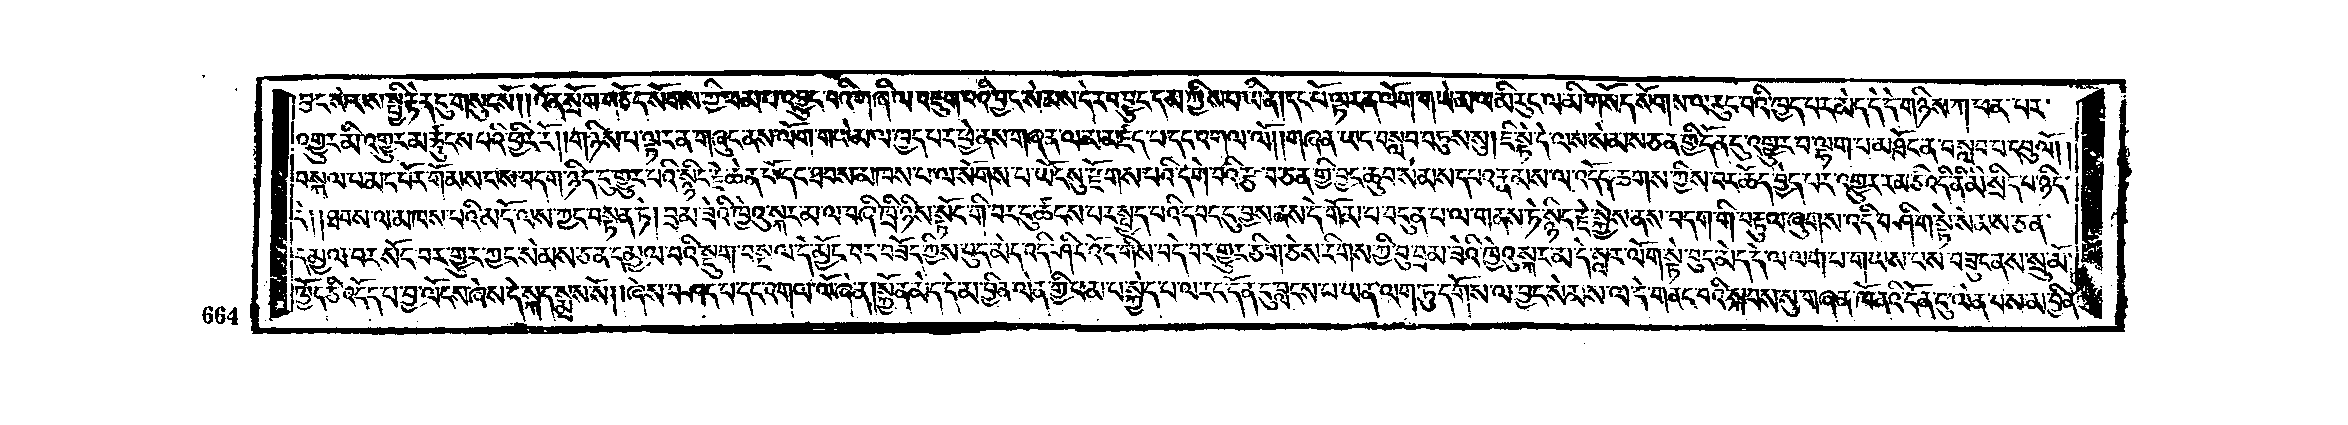བྱང་སེམས་སྤྱི་རྟེན་དུ་གསུངས་སོ། །འོ་ན་སྲོག་གཅོད་སོགས་ཀྱི་ཕམ་པ་འབྱུང་བའི་གཞི་ལ་འཇུག་པའི་བྱང་སེམས་དེ་རབ་བྱུང་དམ་ཀྱིས་བ་ཡིན། དང་པོ་ལྟར་ན་ལོག་གཡེམ་ལ་མི་རུང་ལ་མི་གསོད་སོགས་ལ་རུང་བའི་ཁྱད་པར་མེད་དེ་དེ་གཉིས་ཀ་ཕན་པར་
འགྱུར་མི་འགྱུར་མཚུངས་པའི་ཕྱིར་རོ། །གཉིས་པ་ལྟར་ན་གཞུང་ནས་ལོག་གཡེམ་ལ་ཁྱད་པར་ཕྱེ་ནས་གཞན་ལ་མ་མཛད་པ་དང་འགལ་ལོ། །གཞན་ཡང་བསླབ་བཏུས་སུ། ཇི་སྟེ་དེ་ལས་སེམས་ཅན་གྱི་དོན་དུ་འགྱུར་བ་ལྷག་པ་མཐོང་ན་བསླབ་པ་དབུལ་ལོ།།
བསྐལ་པ་མང་པོར་གོམས་པས་བདག་ཉིད་དུ་གྱུར་པའི་སྙིང་རྗེ་ཆེན་པོ་དང་ཐབས་མཁས་པ་ལ་སོགས་པ་ཡོངས་སུ་རྫོགས་པའི་དགེ་བའི་རྩ་བ་ཅན་གྱི་བྱང་ཆུབ་སེམས་དཔའ་རྣམས་ལ་འདོད་ཆགས་ཀྱིས་བར་ཆོད་བྱེད་པར་འགྱུར་རམ་ཅི་འདི་ནི་མི་སྲིད་པ་ཉིད་
དེ། །ཐབས་ལ་མཁས་པའི་མདོ་ལས་ཀྱང་བསྟན་ཏེ། བྲམ་ཟེའི་ཁྱེའུ་སྐར་མ་ལ་བཞི་ཁྲི་ཉིས་སྟོང་གི་བར་དུ་ཚངས་པར་སྤྱད་པའི་དབང་དུ་བྱས་ནས་དེ་གོམ་པ་བདུན་པ་ལ་གནས་ཏེ་སྙིང་རྗེ་སྐྱེས་ནས་བདག་གི་བརྟུལ་ཞུགས་འདི་བཤིག་སྟེ་སེམས་ཅན་
དམྱལ་བར་སོང་བར་གྱུར་ཀྱང་སེམས་ཅན་དམྱལ་བའི་སྡུག་བསྔལ་དེ་མྱོང་བར་བཟོད་ཀྱིས་བུད་མེད་འདི་ཤིང་འོད་གིས་བདེ་བར་གྱུར་ཅིག་ཅེས་རིགས་ཀྱི་བུ་བྲམ་ཟེའི་ཁྱེའུ་སྐར་མ་དེ་སླར་ལོག་སྟེ་བུད་མེད་དེ་ལ་ལག་པ་གཡས་པས་བཟུང་ནས་སྲུ་མོ་
ཁྱོད་ཅི་འདོད་པ་བྱ་ལོངས་ཞེས་དེ་སྐད་སྨྲས་སོ། །ཞེས་བཤད་པ་དང་འགལ་ལོ་ཞེ་ན། སྐྱོན་མེད་དེ་མ་བྱིན་ལེན་གྱི་ཕམ་པ་སྐྱེད་པ་ལ་རང་དོན་དུ་བླངས་པ་ཡན་ལག་ཏུ་དགོས་པ་བྱང་སེམས་ལ་དེ་གནང་བའི་སྐབས་སུ་གཞན་ཁོ་ནའི་དོན་དུ་ལེན་པས་མ་བྱིན་